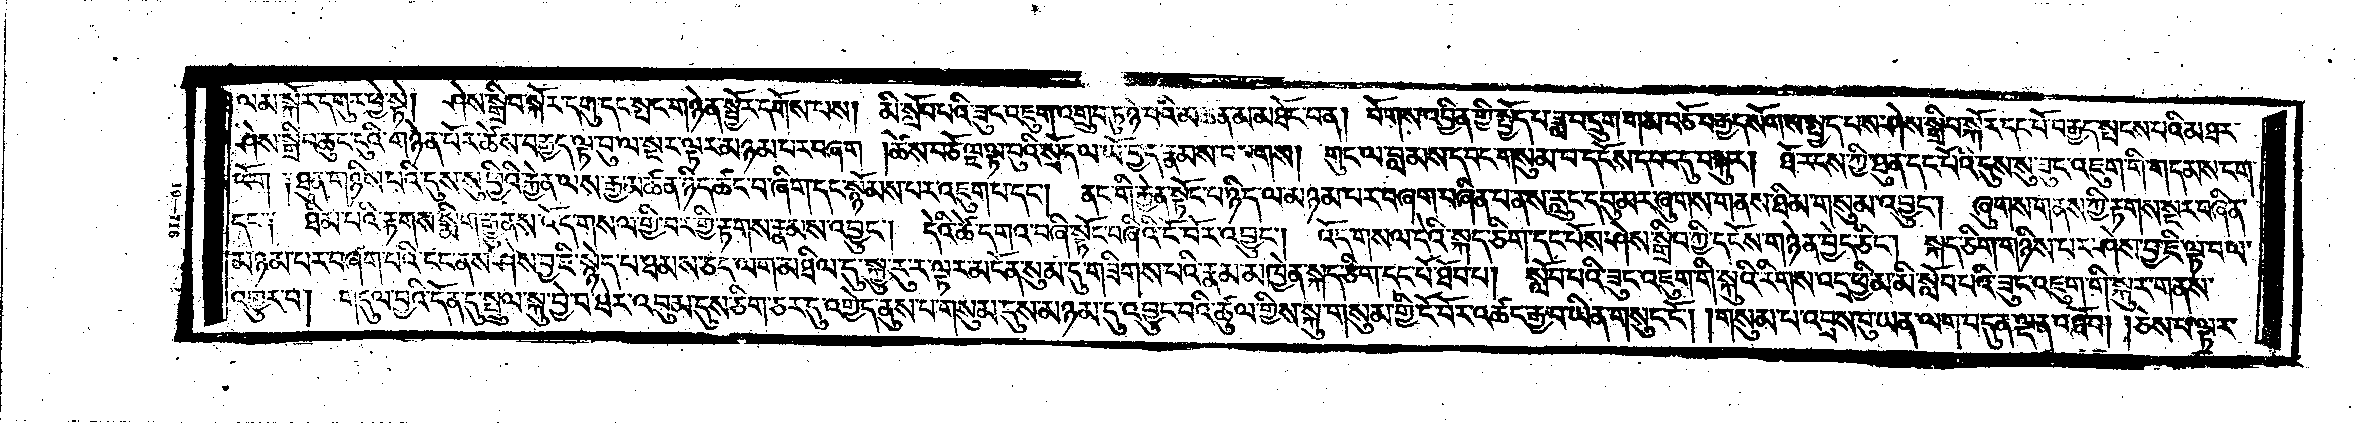ལམ་སྐོར་དགུར་ཕྱེ་སྟེ། ཤེས་སྒྲིབ་སྐོར་དགུ་དང་སྤང་གཉེན་སྦྱོར་དགོས་པས། མི་སློབ་པའི་ཟུང་འཇུག་འགྲུབ་ཏུ་ཉེ་བའི་མཚན་མ་མཐོང་བ་ན། བོགས་འབྱིན་གྱི་སྤྱོད་པ་ཟླ་བ་དྲུག་གམ་བཅོ་བརྒྱད་སོགས་སྤྱད་པས་ཤེས་སྒྲིབ་སྐོར་དང་པོ་བརྒྱད་སྤངས་པའི་མཐར་
ཤེས་སྒྲིབ་ཆུང་ངུའི་གཉེན་པོར་ཚེས་བརྒྱད་ལྟ་བུ་ལ་སྔར་ལྟར་མཉམ་པར་བཞག །ཚེས་བཅོ་ལྔ་ལྟ་བུའི་སྲོད་ལ་ཡོ་བྱད་རྣམས་བསགས། གུང་ལ་བླ་མས་དབང་གསུམ་པ་དངོས་དབང་དུ་བསྐུར། ཐོ་རངས་ཀྱི་ཐུན་དང་པོའི་དུས་སུ་ཟུང་འཇུག་གི་གདམས་ངག་
ཕོག ༑ཐུན་གཉིས་པའི་དུས་སུ་ཕྱིའི་རྐྱེན་ལས་རྒྱ་མཚན་ཉིད་ཚང་བ་ཞིག་དང་སྙོམས་པར་འཇུག་པ་དང་། ནང་གི་རྐྱེན་སྟོང་པ་ཉིད་ལ་མཉམ་པར་བཞག་བཞིན་པ་ནས་རླུང་དབུ་མར་ཞུགས་གནས་ཐིམ་གསུམ་འབྱུང་། ཞུགས་གནས་ཀྱི་རྟགས་སྔར་བཞིན་
དང༑ ཐིམ་པའི་རྟགས་སྨིག་རྒྱུ་ནས་འོད་གསལ་གྱི་བར་གྱི་རྟགས་རྣམས་འབྱུང་། དེའི་ཚེ་དགའ་བཞི་སྟོང་བཞིའི་ངོ་བོར་འབྱུང་། འོད་གསལ་དེའི་སྐད་ཅིག་དང་པོས་ཤེས་སྒྲིབ་ཀྱི་དངོས་གཉེན་བྱེད་ཅིང་། སྐད་ཅིག་གཉིས་པར་ཤེས་བྱ་ཇི་ལྟ་བ་ལ་
མཉམ་པར་བཞག་པའི་ངང་ནས་ཤེས་བྱ་ཇི་སྙེད་པ་ཐམས་ཅད་ལག་མཐིལ་དུ་སྐྱུ་རུ་ར་ལྟར་མངོན་སུམ་དུ་གཟིགས་པའི་རྣམ་མཁྱེན་སྐད་ཅིག་དང་པོ་ཐོབ་པ། སློབ་པའི་ཟུང་འཇུག་གི་སྐུའི་རིགས་འདྲ་ཕྱི་མ་མི་སློབ་པའི་ཟུང་འཇུག་གི་སྐུར་གནས་
འགྱུར་བ། གདུལ་བྱའི་དོན་དུ་སྤྲུལ་སྐུ་བྱེ་བ་ཐེར་འབུམ་དུས་ཅིག་ཅར་དུ་འགྱེད་ནུས་པ་གསུམ་དུས་མཉམ་དུ་འབྱུང་བའི་ཚུལ་གྱིས་སྐུ་གསུམ་གྱི་ངོ་བོར་འཚང་རྒྱ་བ་ཡིན་གསུང་ངོ། །གསུམ་པ་འབྲས་བུ་ཡན་ལག་བདུན་ལྡན་འཐོབ། །ཅེས་པ་ལྟར་